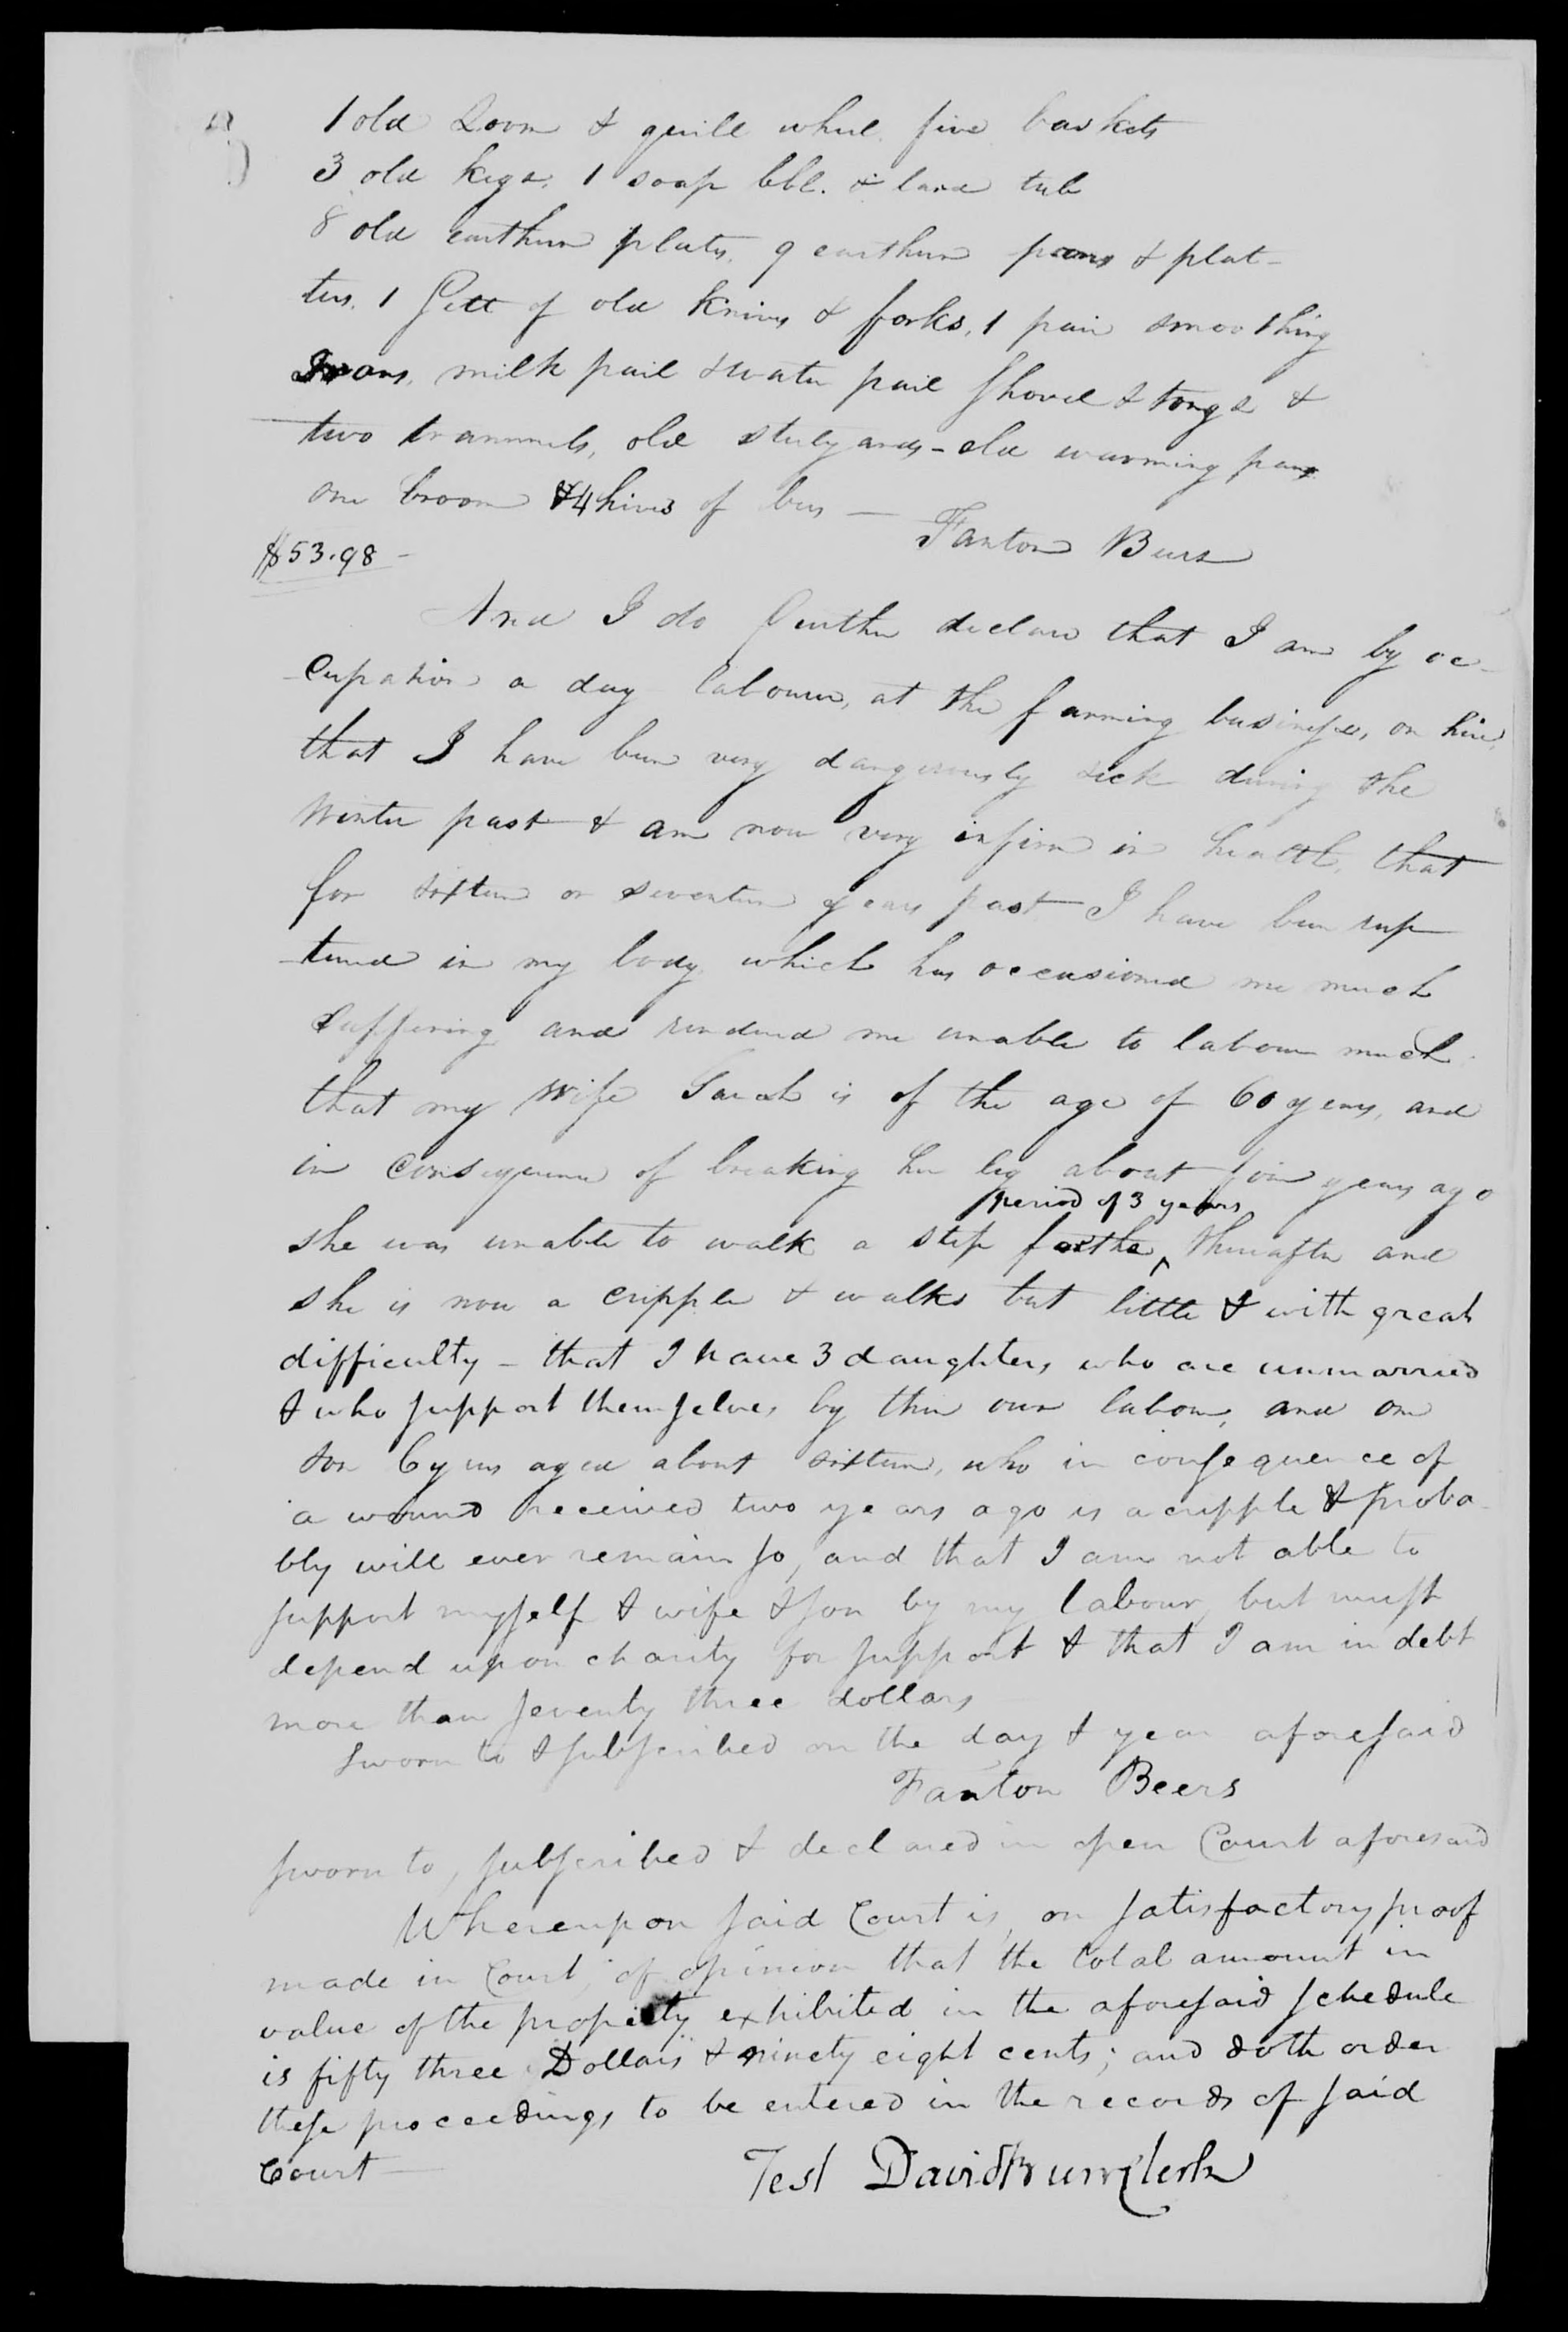1 old Down & quill wheel five baskets
3 old kegs 1 soap [illegible] & lard tub
8 old earthen plates, 9 earthen pans & platters. 1 Litt of old knives & forks, 1 pair smoothing [illegible], milk pail & water pail. shovel & tongs & two trammels, old [unknown] and old warming pan
one broom, 4 hives of bees----- Fanton Beers
$53.98

And I do further declare that I am by occupation a day labourer at the farming business, on him that I have been very Dangerously  sick during the winter past & am now very infirm in health that for sixteen or seventeen years past I have been [illegible] in my body which has occasioned me much suffering and rendered me unable to labour much that my wife Sarah is of the age of 60 years, and in consequence of breaker her leg about 4 years ago she was unable to walk a step for the period of 3 years there after and she is now a cripple & walks but little & with great difficulty. That i have 3 daughters who are unmarried & who support themselves by their own labor and on for 6 year aged about sixteen, who in consequence of a wound received two years ago is a cripple & probably will ever remain so, and that I am not able to support myself & wife than by my labour but must depend upon charity for support & that I am in debt more than seventy three dollars. 
Sworn to & subcribed on the day & year aforesaid
Fanton Beers

Sworn to, Subscribed & declared in open Court aforesaid. Whereupon Said Court is, on satisfactory proof made in Court of opinion that the total amount in value of the property exhibited in the aforesaid schedule is fifty three dollars & ninety eight cents; and doth order these proceedings to be entered in the records of said Court. 
[illegible- "Test"maybe] David Burr Clerk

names: Fanton Beers, Fanton Beers, David Burr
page: 5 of 23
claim: survivor's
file: S. 37,750, Fanton Beers, Conn.